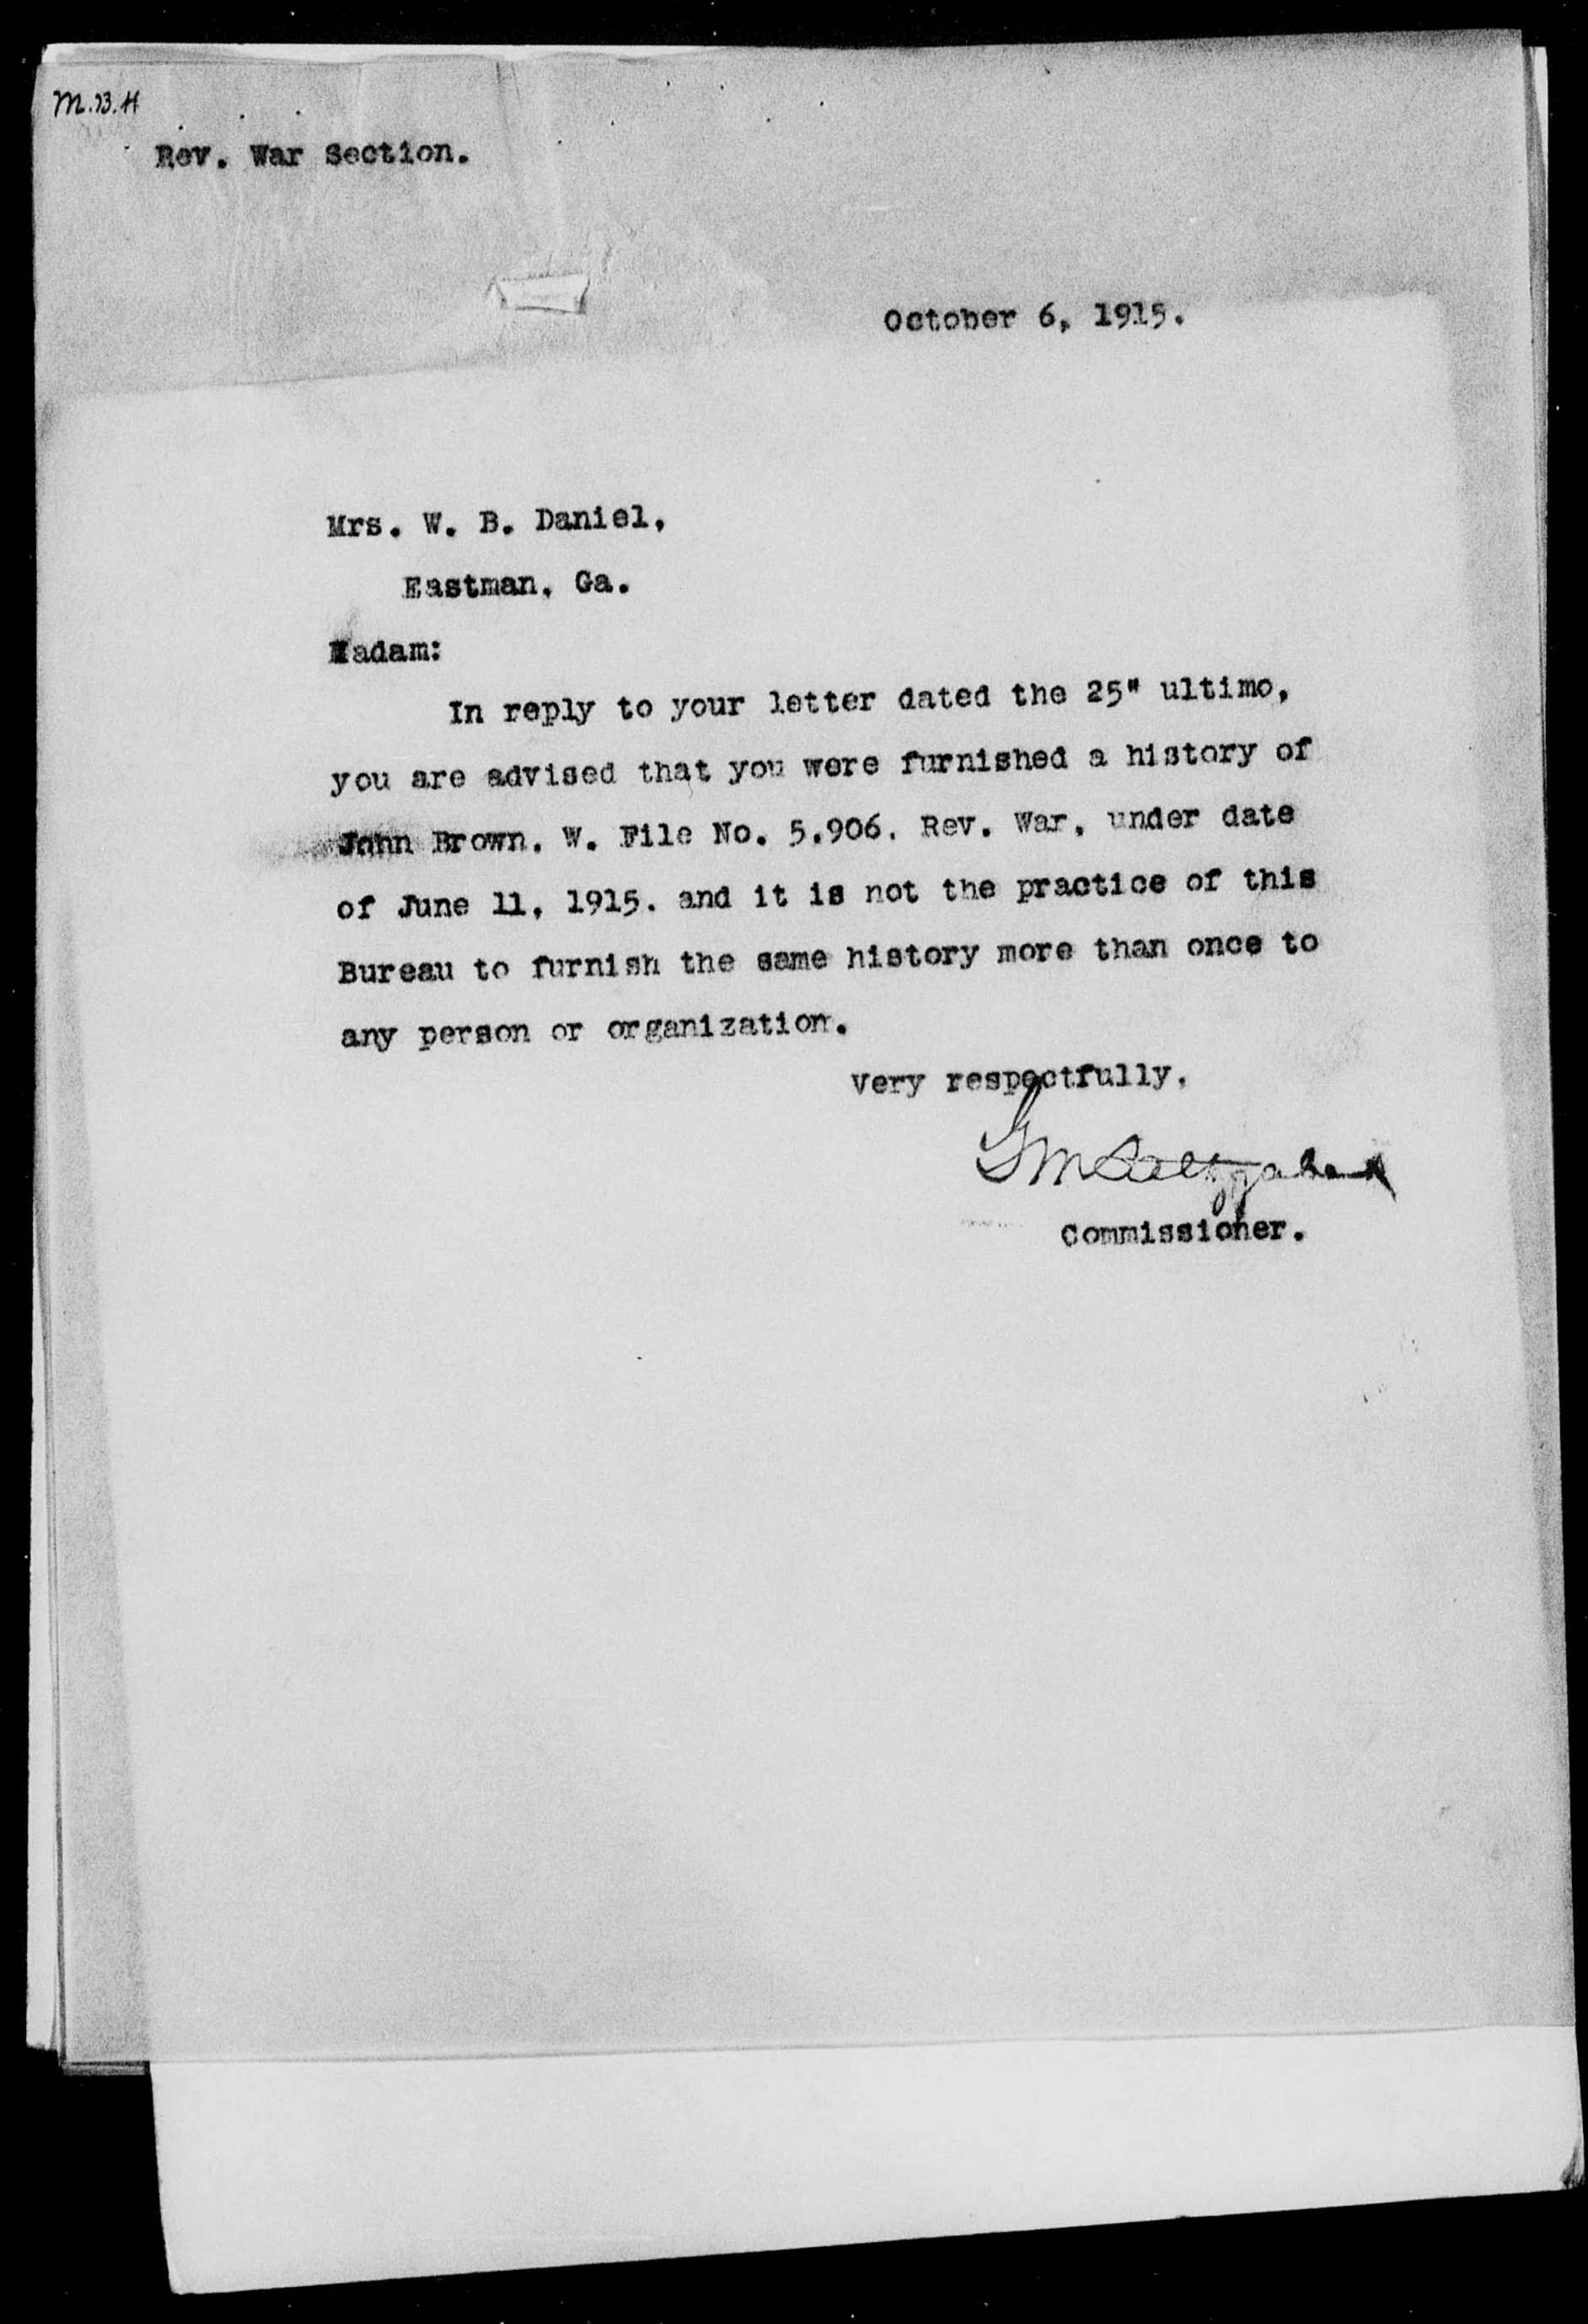M.B.H.
Rev. War Section

October 6, 1915

Mrs. W. B. Daniel,
Eastman, Ga.

Madam:
In reply to your letter dated the 25 ultimo,
you are advised that you were furnished a history of
John Brown, W. File No. 5,906, Rev. War, under date
of June 11, 1915, and it is not the practice of this
Bureau to furnish the same history more than once to any person or organization.
Very respectfully,
G M Saltzgaber
Commissioner.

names: John Brown, W B Daniel, G M Saltzgaber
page: 38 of 85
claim: widow's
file: W. 5,906, John Brown, S.C.